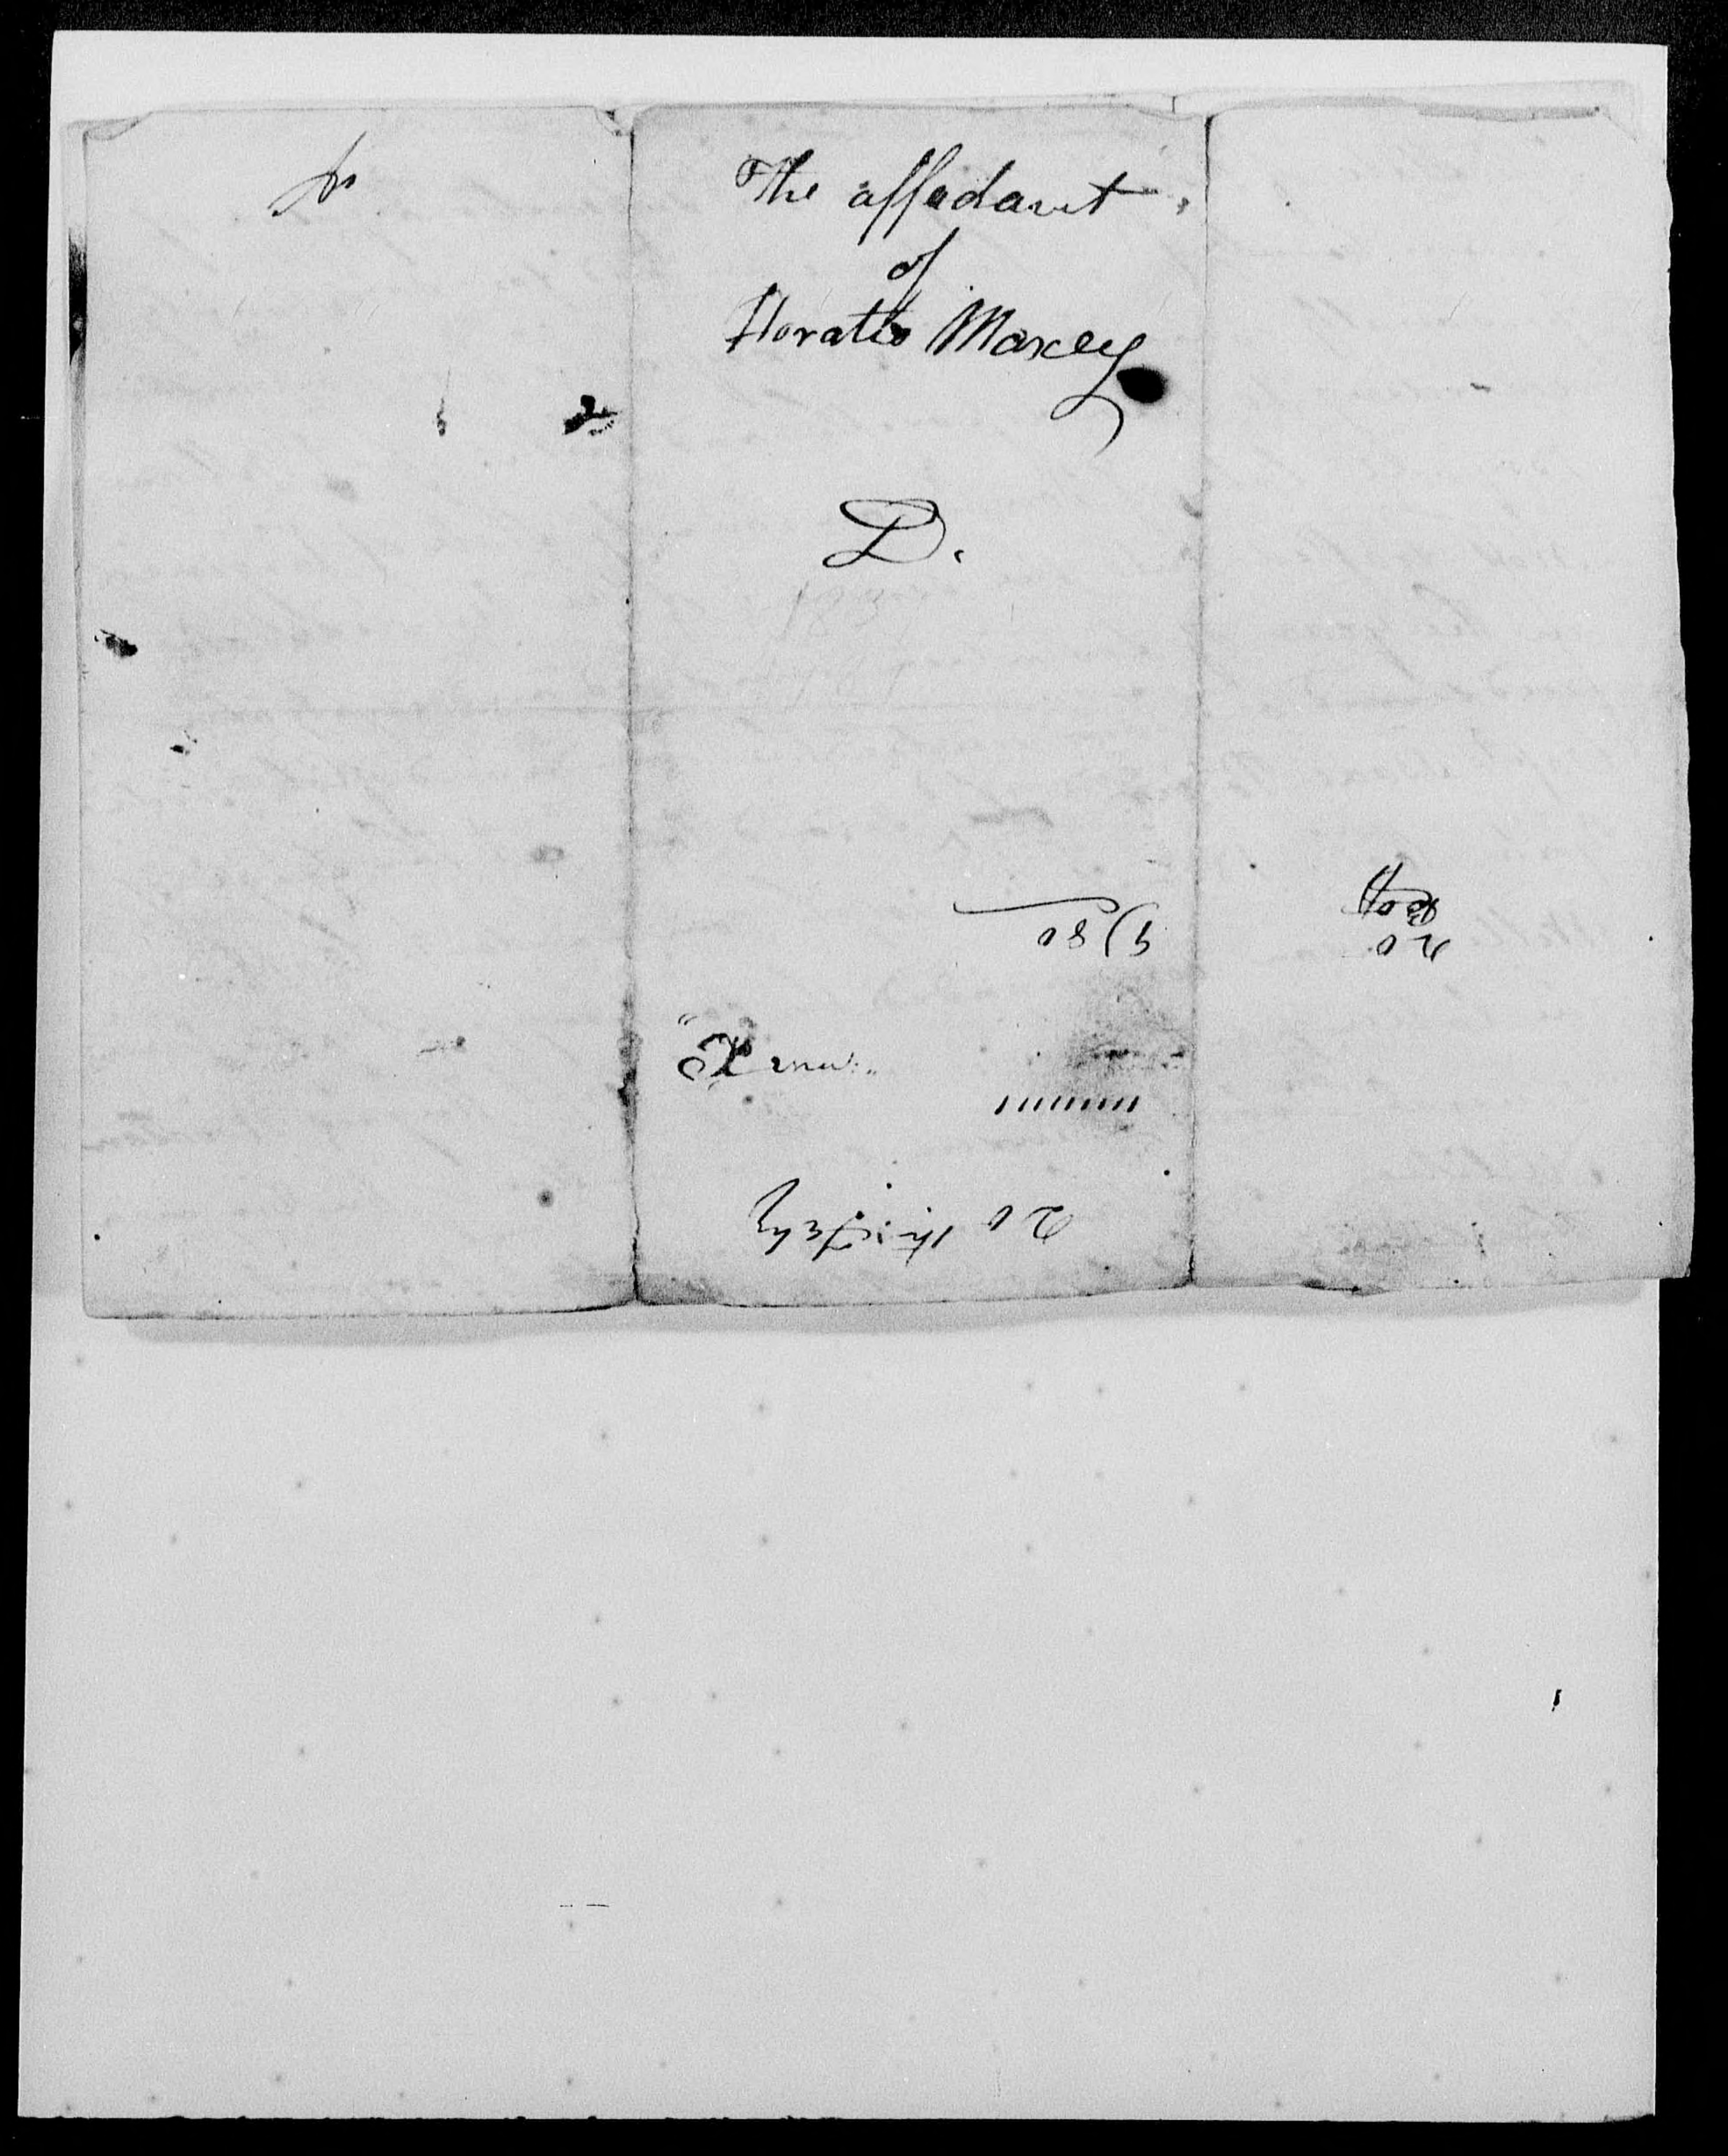The affidavit
of
Horatio Maxey
D.
9)80
Tenn.
20 [illegible]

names: Horatio Maxey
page: 14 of 31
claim: survivor's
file: S. 3049, William G Bryant, Va.